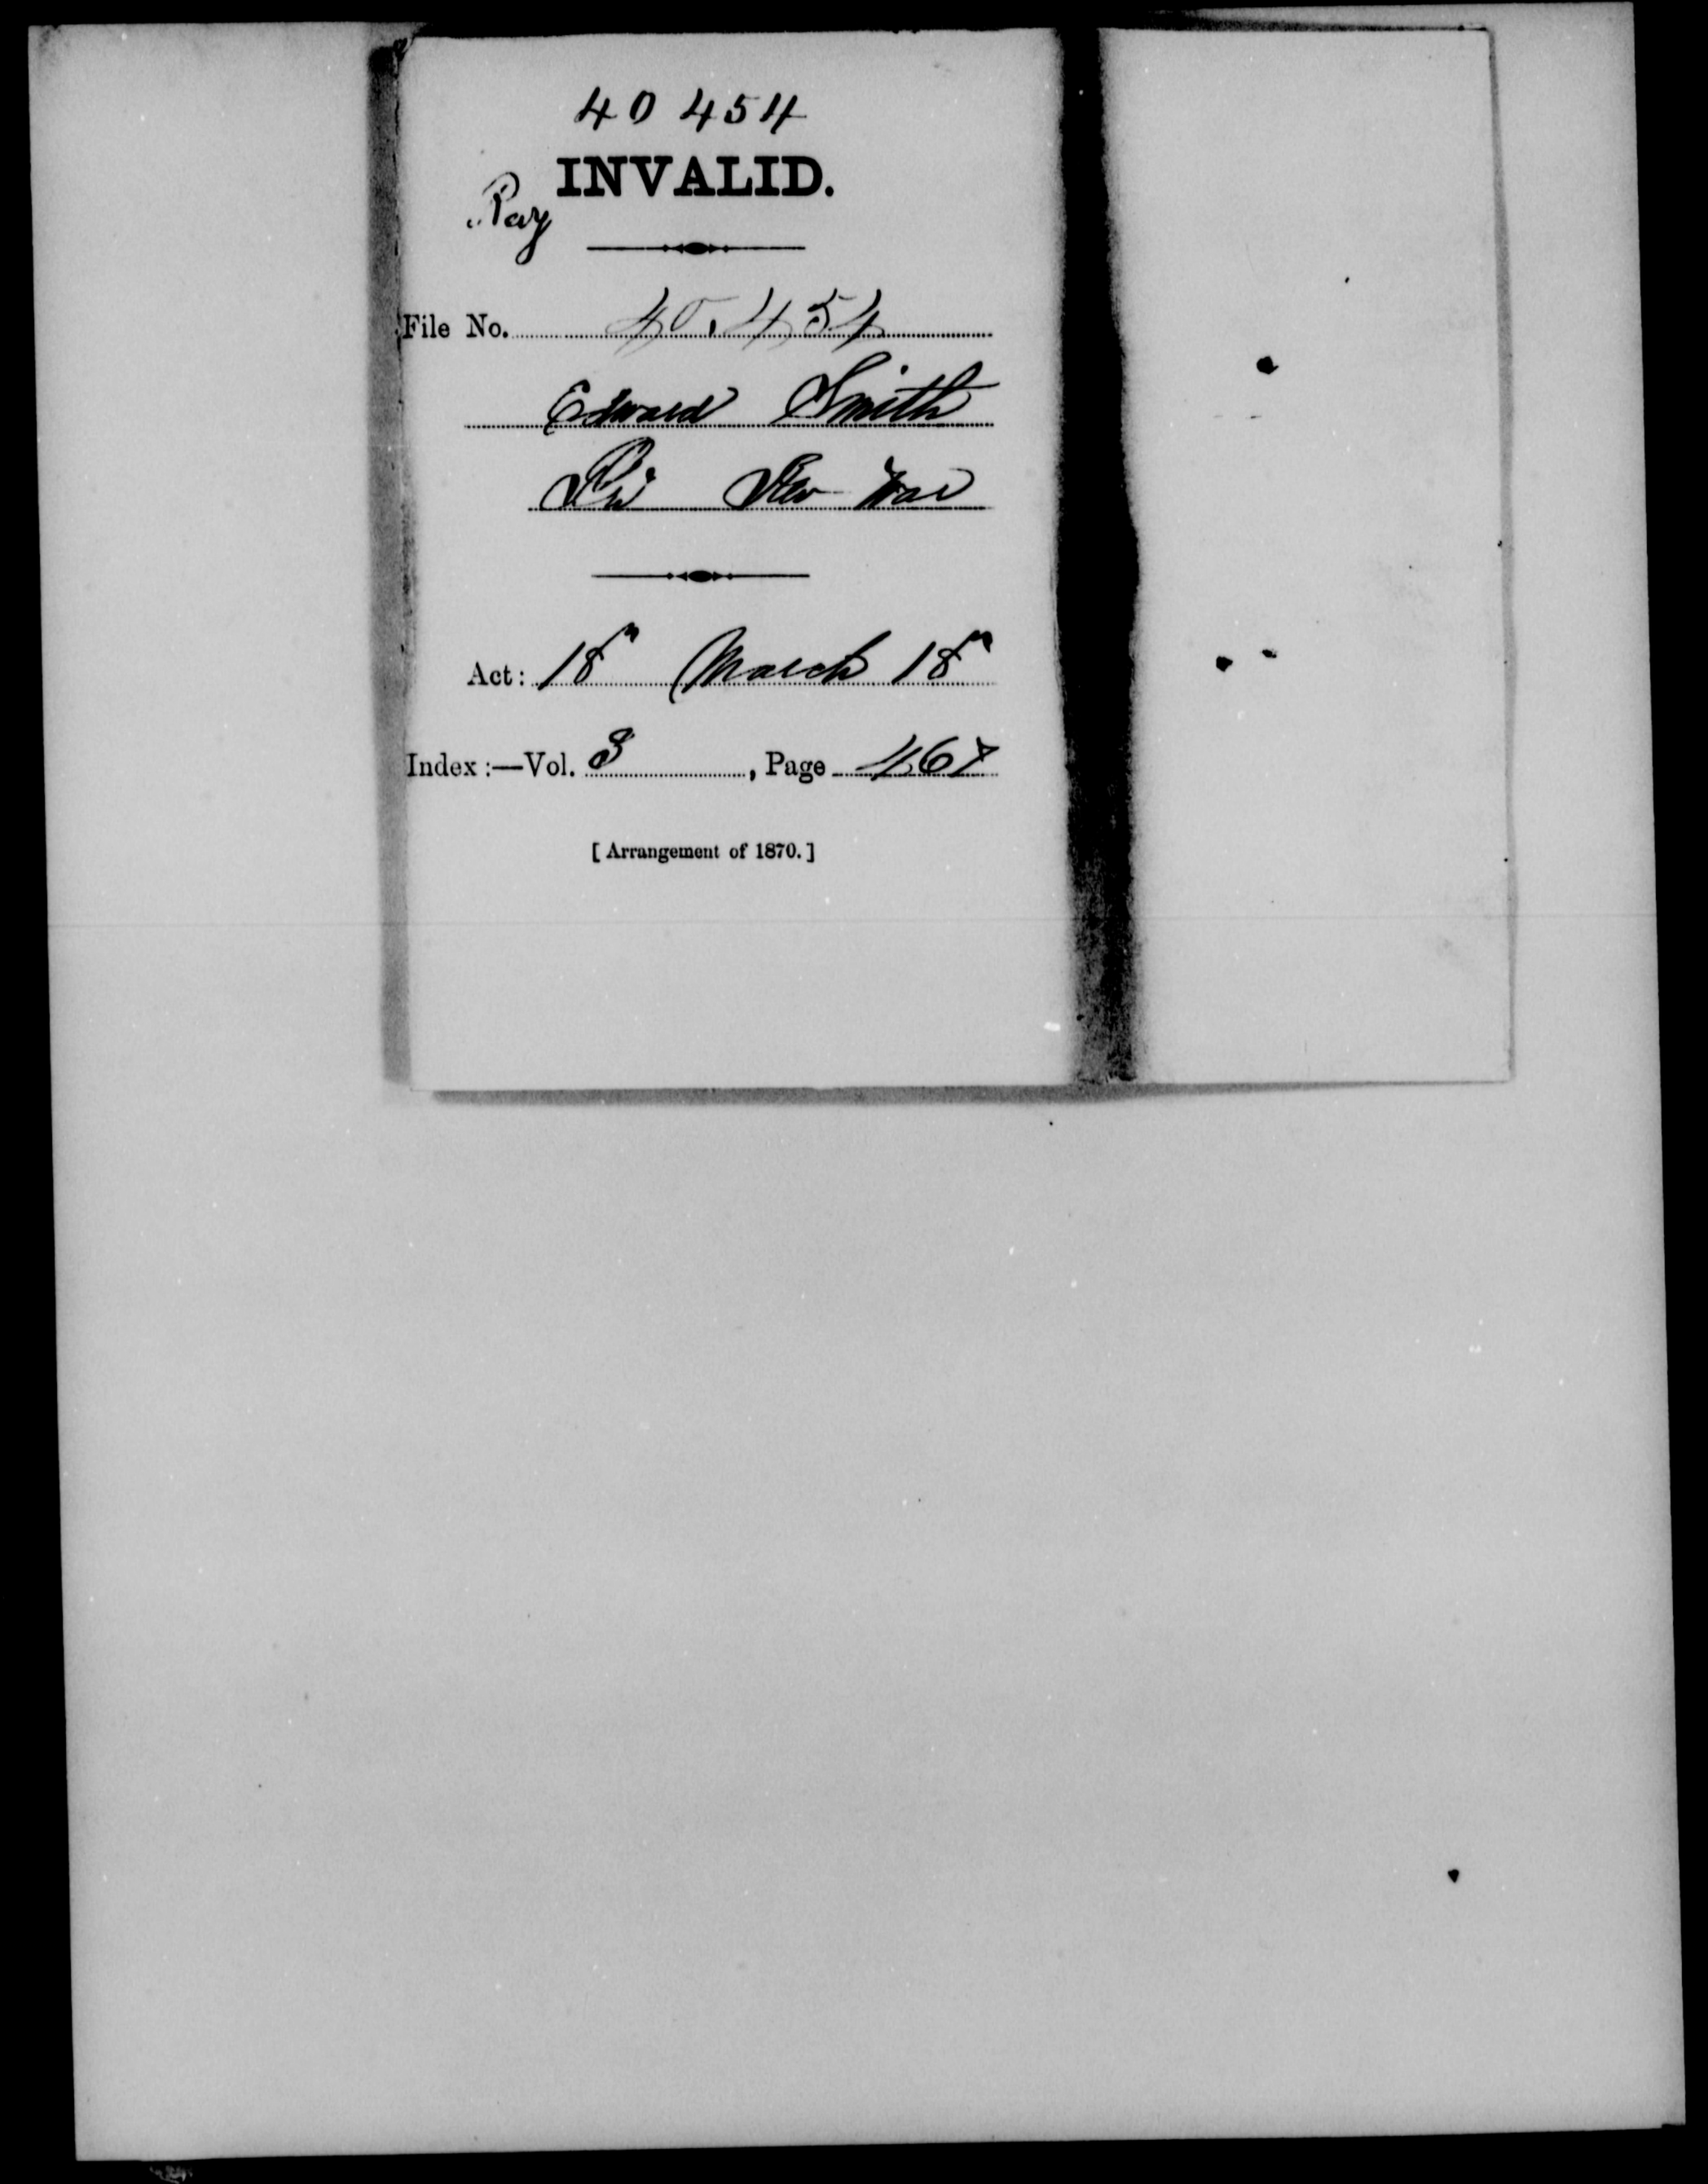40454
INVALID.
Revy.
File No. 40.454
Edward Smith
Pa. Rev. War

Act: 18 March 18
Index: -- Vol. 3, Page 467
{Arrangement of 1870.}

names: Edward Smith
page: 10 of 20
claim: survivor's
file: S 40454, for Edward Smith, Pennsylvania